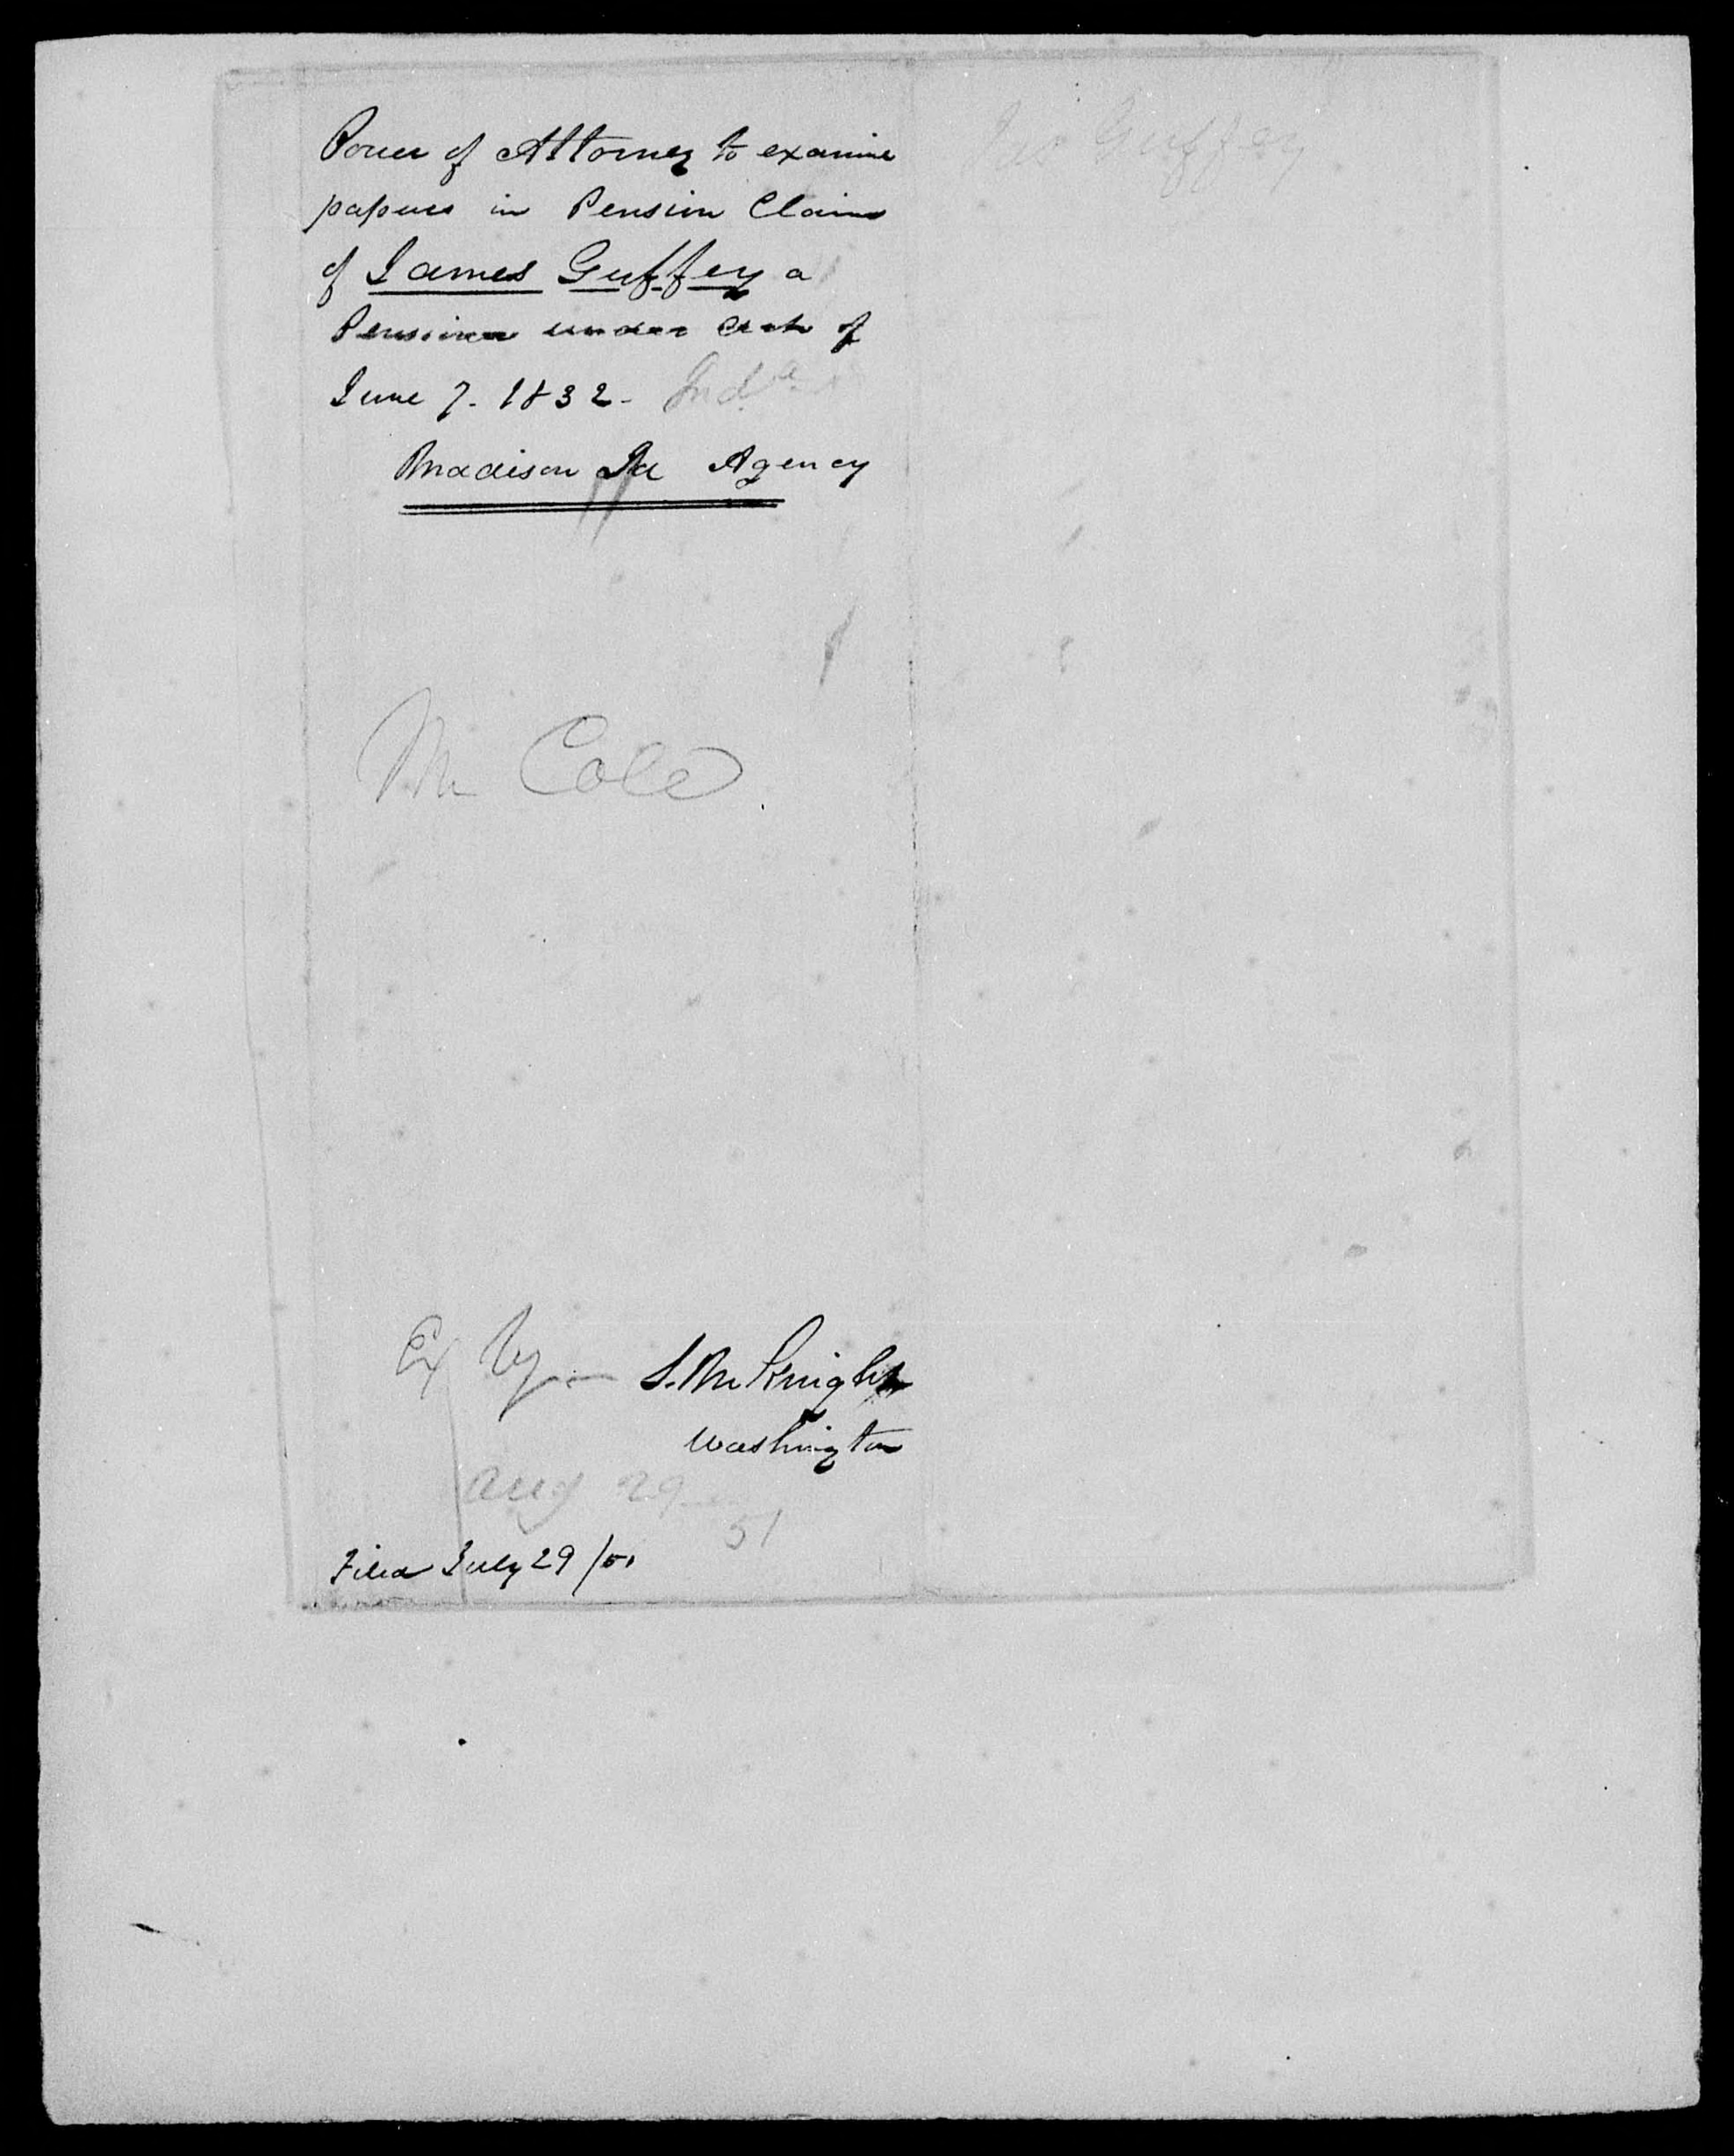Power of Attorney to examine
papers in Pension Claim
of James Guffey a
Pensioner under act of
June 7, 1832. 
Ind'a
Madison In Agency
Mr Cole
Ex by
S. McKnight
Washington
Aug 29- 51
Filed July 29 /51
Jas Guffey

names: S M Knight, James Guffey, Jas Guffey, Cole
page: 16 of 36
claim: survivor's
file: S. 31,718, James Guffey, Penn.